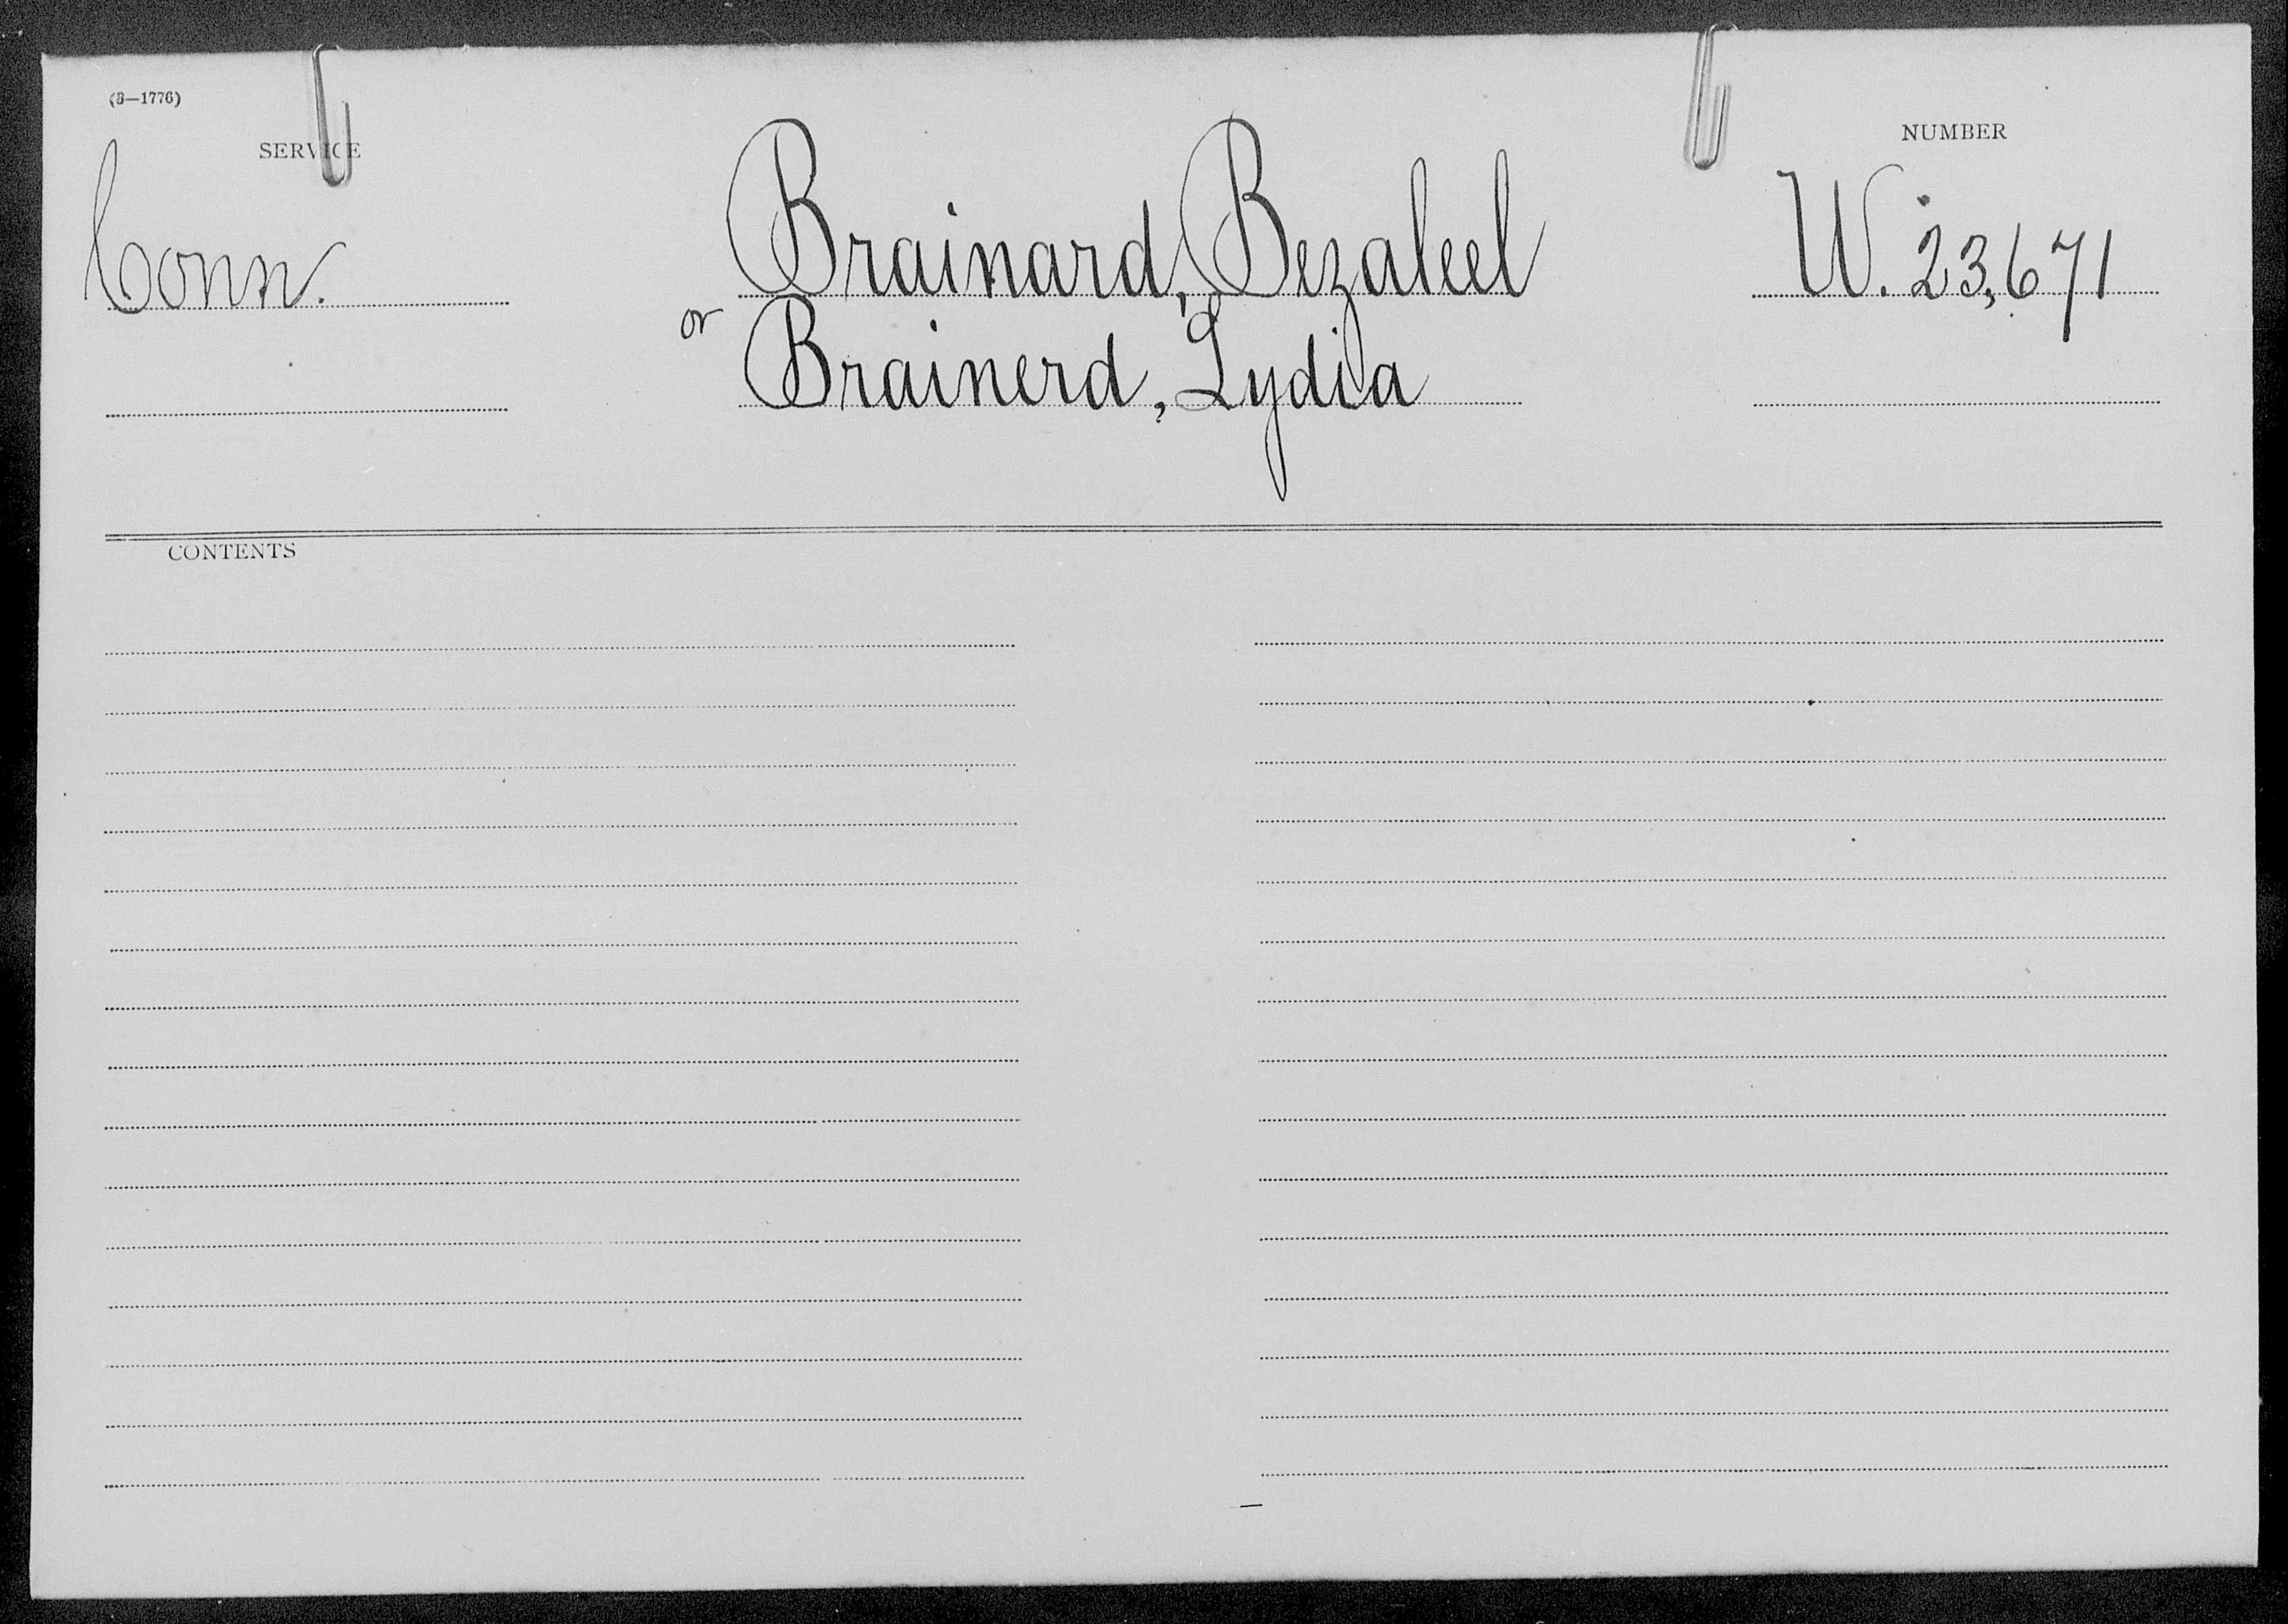(3 - 1776)
SERVICE  NUMBER
Conn. Brainard, Bezaleel W. 23,671
or Brainerd, Lydia
CONTENTS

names: Bezaleel Brainerd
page: 1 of 25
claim: widow's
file: W. 23,671, Bezaleel Brainard, Conn.